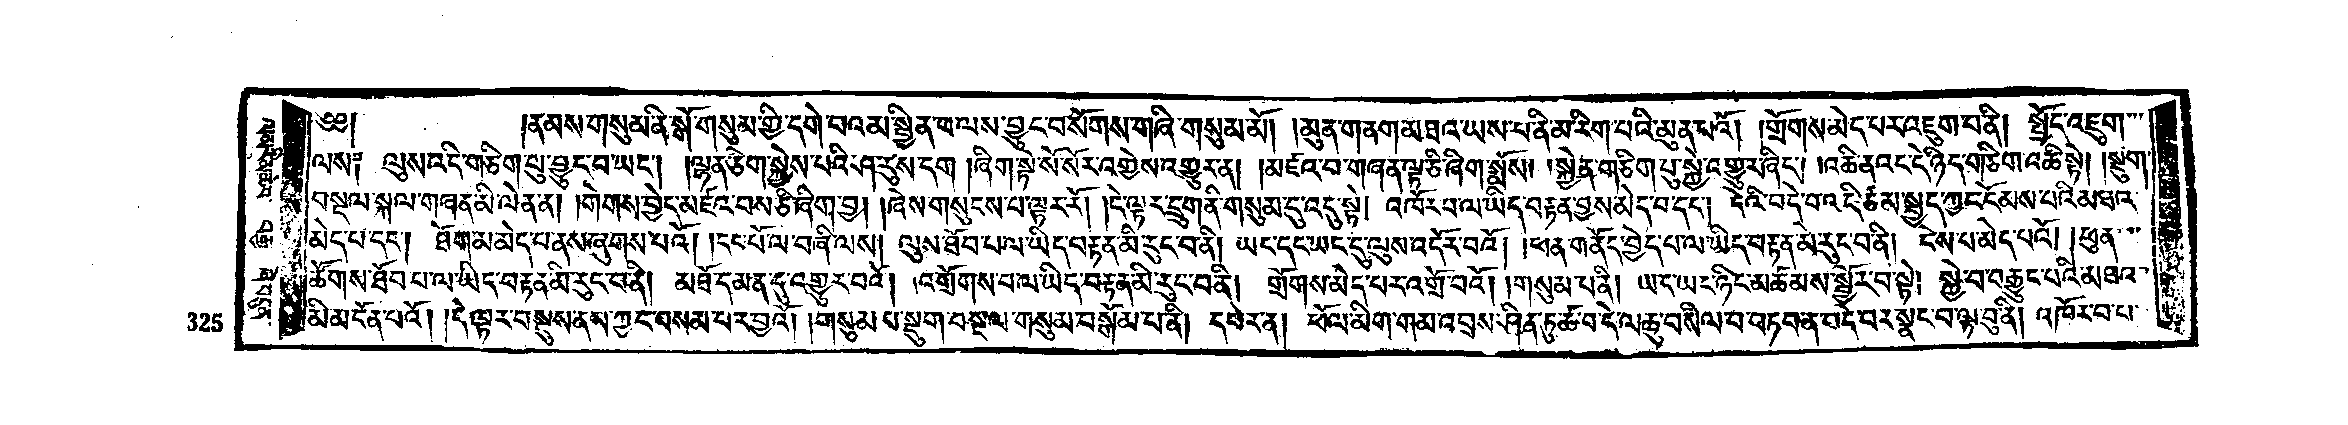༄༅། །ནམས་གསུམ་ནི་སྒོ་གསུམ་གྱི་དགེ་བའམ་སྦྱིན་པ་ལས་བྱུང་བ་སོགས་གཞི་གསུམ་མོ། །མུན་གནག་མཐའ་ཡས་པ་ནི་མ་རིག་པའི་མུན་པའོ། །གྲོགས་མེད་པར་འཇུག་པ་ནི། སྤྱོད་འཇུག་
ལས༑ ལུས་འདི་གཅིག་པུ་བྱུང་བ་ཡང་། །ལྷན་ཅིག་སྐྱེས་པའི་ཤ་རུས་དག །ཞིག་སྟེ་སོ་སོར་འགྱེས་འགྱུར་ན། །མཛའ་བ་གཞན་ལྟ་ཅི་ཞིག་སྨོས། །སྐྱེ་ན་གཅིག་པུ་སྐྱེ་འགྱུར་ཞིང་། །འཆི་ནའང་དེ་ཉིད་གཅིག་འཆི་སྟེ། །སྡུག་
བསྔལ་སྐལ་གཞན་མི་ལེན་ན། །གེགས་བྱེད་མཛའ་བས་ཅི་ཞིག་བྱ། །ཞེས་གསུངས་པ་ལྟར་རོ། །དེ་ལྟར་དྲུག་ནི་གསུམ་དུ་འདུ་སྟེ། འཁོར་བ་ལ་ཡིད་བརྟན་བྱ་ས་མེད་པ་དང་། དེའི་བདེ་བ་ལ་ཇི་ཙམ་སྤྱད་ཀྱང་ངོམས་པའི་མཐའ་
མེད་པ་དང་། ཐོག་མ་མེད་པ་ནས་ཞུགས་པའོ། །དང་པོ་ལ་བཞི་ལས། ལུས་ཐོབ་པ་ལ་ཡིད་བརྟན་མི་རུང་བ་ནི། ཡང་དང་ཡང་དུ་ལུས་འདོར་བའོ། །ཕན་གནོད་བྱེད་པ་ལ་ཡིད་བརྟན་མི་རུང་བ་ནི། ངེས་པ་མེད་པའོ། །ཕུན་
ཚོགས་ཐོབ་པ་ལ་ཡིད་བརྟན་མི་རུང་བ་ནི། མཐོ་དམན་དུ་འགྱུར་བའོ། །འགྲོགས་པ་ལ་ཡིད་བརྟན་མི་རུང་བ་ནི། གྲོགས་མེད་པར་འགྲོ་བའོ། །གསུམ་པ་ནི། ཡང་ཡང་ཉིང་མཚམས་སྦྱོར་བ་སྟེ། སྐྱེ་བ་བརྒྱུད་པའི་མཐའ་
མི་མངོན་པའོ། །དེ་ལྟར་བསྡུས་ནས་ཀྱང་བསམ་པར་བྱའོ། །གསུམ་པ་སྡུག་བསྔལ་གསུམ་བསྒོམ་པ་ནི། དཔེར་ན། ཕོལ་མིག་གམ་འབྲས་ཤིན་ཏུ་ཚ་བ་དེ་ལ་ཆུ་བསིལ་བ་བཏབ་ན་བདེ་བར་སྣང་བ་ལྟ་བུ་ནི། འཁོར་བ་པ་